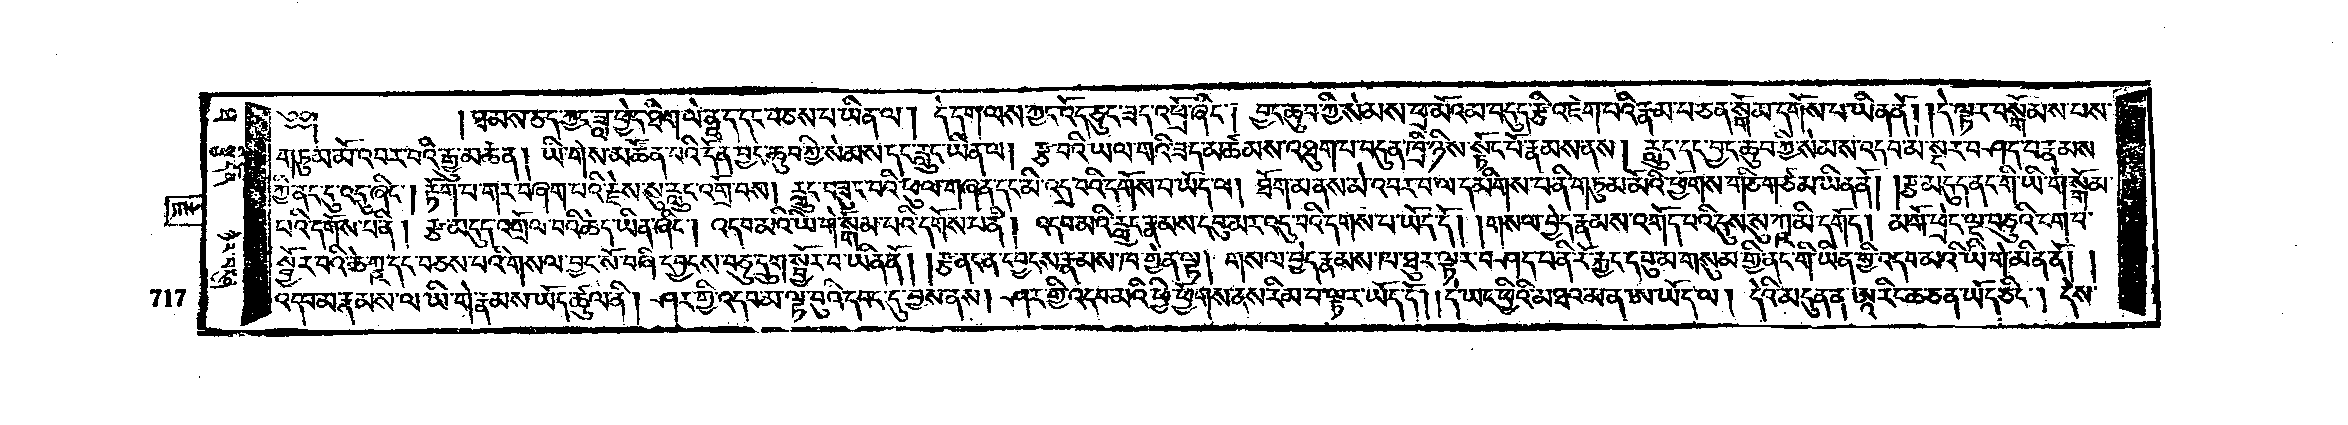༄༅། །ཐམས་ཅད་ཀྱང་ཟླ་ཕྱེད་ཐིག་ལེ་ནཱ་ད་དང་བཅས་པ་ཡིན་ལ། དེ་དག་ལས་ཀྱང་འོད་ཅུང་ཟད་འཕྲོ་ཞིང་། བྱང་ཆུབ་ཀྱི་སེམས་ཕྲ་མོའམ་བདུད་རྩི་འཇོག་པའི་རྣམ་པ་ཅན་སྒོམ་དགོས་པ་ཡིན་ནོ། །དེ་ལྟར་བསྒོམས་པས་
གཏུམ་མོ་འབར་བའི་རྒྱུ་མཚན། ཡི་གེས་མཚོན་པའི་དོན་བྱང་ཆུབ་ཀྱི་སེམས་དང་རླུང་ཡིན་ལ། རྩ་བའི་ཡལ་གའི་ཟད་མཚམས་འཐུག་པ་བདུན་ཁྲི་ཉིས་སྟོང་པོ་རྣམས་ནས། རླུང་དང་བྱང་ཆུབ་ཀྱི་སེམས་འདབ་མ་སྔར་བཤད་པ་རྣམས་
ཀྱི་ནང་དུ་འདུ་ཞིང་། རྟོག་པ་གར་བཞག་པའི་རྗེས་སུ་རླུང་འགྲོ་བས། རླུང་བཟུང་བའི་ཕུལ་གཞན་དང་མི་འདྲ་བའི་དགོས་པ་ཡོད་ལ། ཐོག་མ་ནས་མེ་འབར་བ་ལ་དམིགས་པ་ནི་གཏུམ་མོའི་ཕྱོགས་གཅིག་ཙམ་ཡིན་ནོ། །རྩ་མདུད་ནང་གི་ཡི་གེ་སྒོམ་
པའི་དགོས་པ་ནི། རྩ་མདུད་འགྲོལ་བའི་ཆེད་ཡིན་ཞིང་། འདབ་མའི་ཡི་གེ་སྒོམ་པའི་དགོས་པ་ནི། འདབ་མའི་རླུང་རྣམས་དབུ་མར་འདུ་བའི་དགོས་པ་ཡོད་དོ། །གསལ་བྱེད་རྣམས་འགོད་པའི་དུས་སུ་ཀྵ་མི་དགོད། མགོ་ཕྲེང་ལྔ་བཅུའི་དག་པ་
སྦྱོར་བའི་ཆེ་ཀྵ་དང་བཅས་པའི་གསལ་བྱེད་སོ་བཞི་དབྱངས་བཅུ་དྲུག་སྦྱོར་བ་ཡིན་ནོ། །རྩ་ནང་ན་དབྱངས་རྣམས་ཁ་གྱེན་ལྟ། གསལ་བྱེད་རྣམས་ཁ་ཐུར་ལྟར་བཤད་པ་ནི་རོ་རྐྱང་དབུ་མ་གསུམ་གྱི་ནང་གི་ཡིན་གྱི་འདབ་མའི་ཡི་གེ་མིན་ནོ། །
འདབ་མ་རྣམས་ལ་ཡི་གེ་རྣམས་ཡོད་ཚུལ་ནི། ཤར་གྱི་འདབ་མ་ལྟ་བུའི་དབང་དུ་བྱས་ནས། ཤར་གྱི་འདབ་མའི་ཕྱི་ཕྱོགས་ནས་རིམ་པ་ལྟར་ཡོད་དོ། །དེ་ཡང་ཕྱིའི་མཐའ་མ་ན་ཨ་ཡོད་ལ། དེའི་མདུན་ན་ཨཱ་རིང་ཆ་ཅན་ཡོད་ཅིང་། དེས་